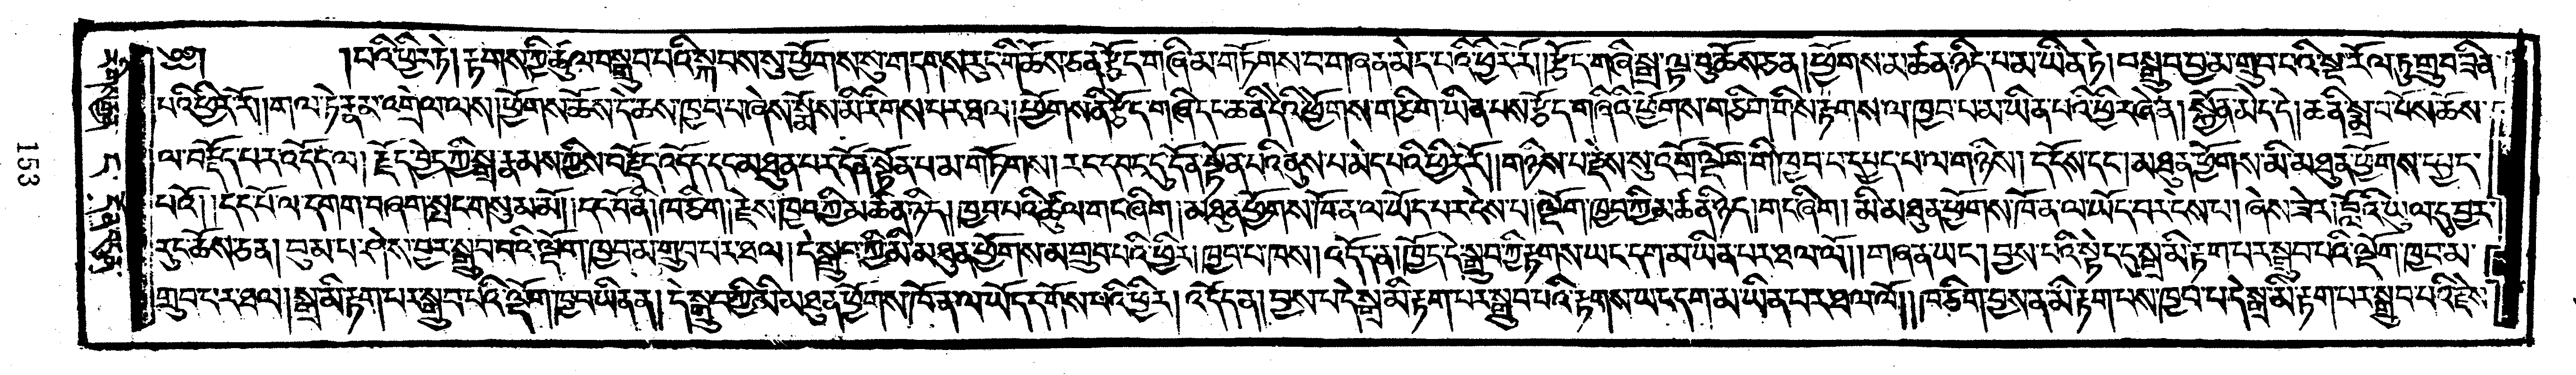༄༅། །པའི་ཕྱིར་ཏེ། རྟགས་ཀྱི་ཚུལ་བསྒྲུབ་པའི་སྐབས་སུ་ཕྱོགས་སུ་གདགས་རུང་གི་ཆོས་ཅན་རྩོད་གཞི་མ་གཏོགས་པ་གཞན་མེད་པའི་ཕྱིར་རོ། །རྩོད་གཞི་སྒྲ་ལྟ་བུ་ཆོས་ཅན། ཕྱོགས་མཚན་ཉིད་པ་མ་ཡིན་ཏེ། བསྒྲུབ་བྱ་མ་གྲུབ་པའི་སྔ་རོལ་ཏུ་གྲུབ་ཟིན་
པའི་ཕྱིར་རོ། །གལ་ཏེ་རྣམ་འགྲེལ་ལས། ཕྱོགས་ཆོས་དེ་ཆས་ཁྱབ་པ་ཞེས་སྨོས་མི་རིགས་པར་ཐལ། ཕྱོགས་ནི་རྩོད་གཞི་དང་ཆ་ནི་དེའི་ཕྱོགས་གཅིག་ཡིན་པས་རྩོད་གཞིའི་ཕྱོགས་གཅིག་གིས་རྟགས་ལ་ཁྱབ་པ་མ་ཡིན་པའི་ཕྱིར་ཞེ་ན། སྐྱོན་མེད་དེ། ཆ་ནི་སྨྲ་བ་པོས་ཆོས་
ལ་བརྗོད་པར་འདོད་ལ། རྗོད་བྱེད་ཀྱི་སྒྲ་རྣམས་ཀྱིས་བརྗོད་འདོད་དང་མཐུན་པར་དོན་སྟོན་པ་མ་གཏོགས། རང་དབང་དུ་དོན་སྟོན་པའི་ནུས་པ་མེད་པའི་ཕྱིར་རོ། །གཉིས་པ་རྗེས་སུ་འགྲོ་ལྡོག་གི་ཁྱབ་པ་དཔྱད་པ་ལ་གཉིས། དངོས་དང་། མཐུན་ཕྱོགས་མི་མཐུན་ཕྱོགས་དཔྱད་
པའོ། །དང་པོ་ལ་དགག་བཞག་སྤང་གསུམ་མོ། །དང་པོ་ནི། ཁ་ཅིག །རྗེས་ཁྱབ་ཀྱི་མཚན་ཉིད། ཁྱབ་པའི་ཚུལ་གང་ཞིག །མཐུན་ཕྱོགས་ཁོ་ན་ལ་ཡོད་པར་ངེས་པ། ལྡོག་ཁྱབ་ཀྱི་མཚན་ཉིད། གང་ཞིག །མི་མཐུན་ཕྱོགས་ཁོ་ན་ལ་ཡོད་པར་ངེས་པ། ཞེས་ཟེར། བློའི་ཡུལ་དུ་བྱར་
རུང་ཆོས་ཅན། བུམ་པ་ཤེས་བྱར་སྒྲུབ་པའི་ལྡོག་ཁྱབ་མ་གྲུབ་པར་ཐལ། དེ་སྒྲུབ་ཀྱི་མི་མཐུན་ཕྱོགས་མ་གྲུབ་པའི་ཕྱིར། ཁྱབ་པ་ཁས། འདོད་ན། ཁྱོད་དེ་སྒྲུབ་ཀྱི་རྟགས་ཡང་དག་མ་ཡིན་པར་ཐལ་ལོ། །གཞན་ཡང་། བྱས་པའི་སྟེང་དུ་སྒྲ་མི་རྟག་པར་སྒྲུབ་པའི་ལྡོག་ཁྱབ་མ་
གྲུབ་པར་ཐལ། སྒྲ་མི་རྟག་པར་སྒྲུབ་པའི་ལྡོག་ཁྱབ་ཡིན་ན། དེ་སྒྲུབ་ཀྱི་མི་མཐུན་ཕྱོགས་ཁོ་ན་ལ་ཡོད་དགོས་པའི་ཕྱིར། འདོད་ན། བྱས་པ་དེ་སྒྲ་མི་རྟག་པར་སྒྲུབ་པའི་རྟགས་ཡང་དག་མ་ཡིན་པར་ཐལ་ལོ། །ཁ་ཅིག་བྱས་ན་མི་རྟག་པས་ཁྱབ་པ་དེ་སྒྲ་མི་རྟག་པར་སྒྲུབ་པའི་རྗེས་